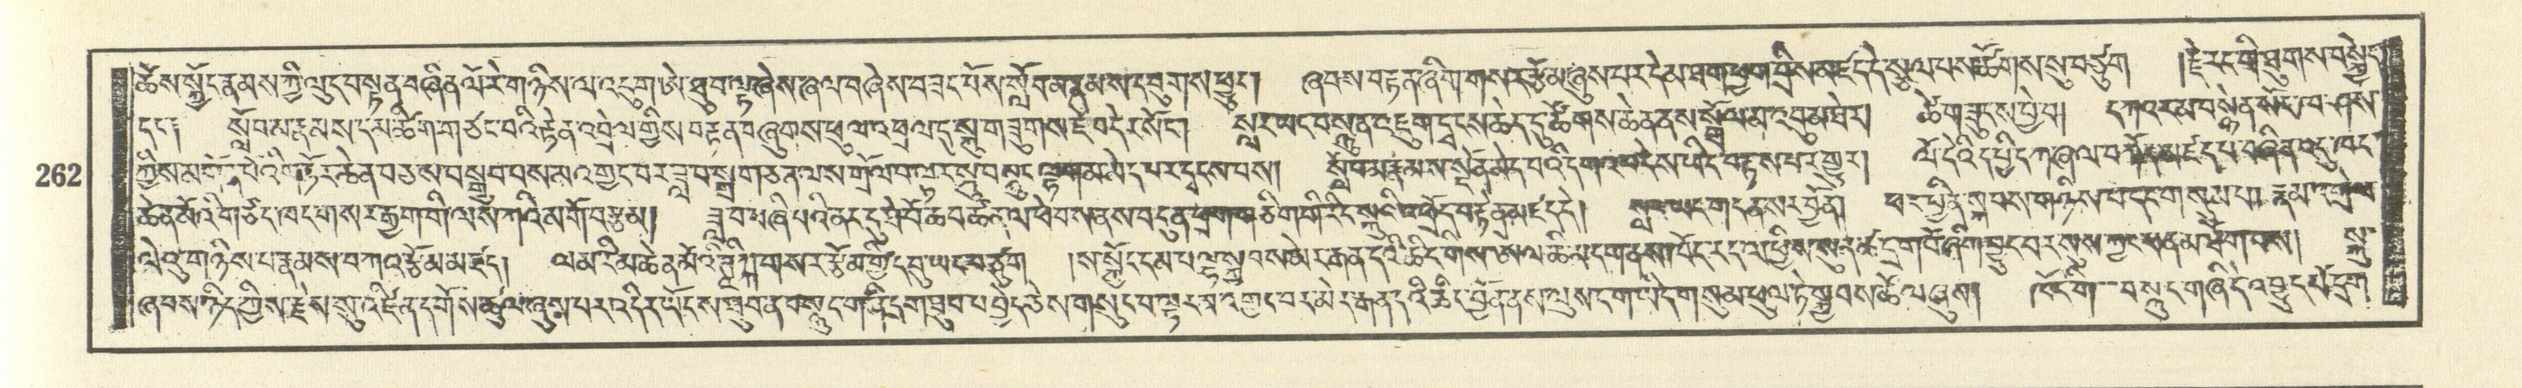ཆོས་སྐྱོང་རྣམས་ཀྱི་ལུང་བསྟན་བཞིན་ལོ་རེ་གཉིས་ལ་འདུག་ཨེ་ཐུབ་ལྟ་ཞེས་ཞལ་བཞེས་བཟང་པོས་སློབ་མ་རྣམས་དབུགས་ཕྱུང་། ཞབས་བརྟན་ཞིག་གསར་རྩོམ་ཞུས་པར་དེ་མ་ཐག་ཕྱག་བྲིས་མཛད་དེ་སྩལ་པས་ཚོགས་སུ་བཙུག །རྗེ་རང་གི་ཐུགས་བསྐྱེད་
དང༑ སློབ་མ་རྣམས་དམ་ཚིག་གཙང་བའི་རྟེན་འབྲེལ་གྱིས་བརྟན་བཞུགས་ཕུལ་འཕྲལ་དུ་སྐུ་གཟུགས་ཇེ་བདེར་སོང་། སླར་ཡང་བསྙུན་འཇུག་དྭངས་ཆེད་དུ་ཚོགས་ཆེན་ནས་སྒྲོལ་མ་འབུམ་ཐེར། ཚེ་གཟུངས་བྱེ་བ། དཀའ་རམ་བསྙེན་སོང་ཁ་ཤས་
ཀྱིས་མགོན་པོའི་གཏོར་ཆེན་བཅས་བསྒྲུབ་བསམ་འགྱང་བར་ཟླ་བ་སྒྲ་གཅན་ལས་གྲོལ་བ་ལྟར་སྐུ་བསྙུང་ལྷག་མ་མེད་པར་དྭངས་པས། སློབ་མ་རྣམས་སྔོན་མེད་པའི་དགའ་བ་དེས་ཡིད་བརྟས་པར་གྱུར། ལོ་དེའི་དཔྱིད་ཀ་ཞལ་བཀོད་མཛད་པ་བཞིན་འདུ་ཁང་
ཆེན་མོའི་གཙང་ཁང་གསར་རྒྱག་གི་ལས་ཀའི་མགོ་བརྩམ། ཟླ་བ་བཞི་པའི་ནང་དུ་ཐེ་བོ་ཆབ་ཚན་ལ་ཕེབས་ནས་བདུན་ཕྲག་གཅིག་གི་རིང་སྐུའི་འཕྲོད་བརྟེན་མཛད་དེ། སླར་ཡང་གདན་སར་བྱོན། ཕར་ཕྱིན་སྐབས་གཉིས་པ་དང་གསུམ་པ། རྣམ་འགྲེལ་
ལེའུ་གཉིས་པ་རྣམས་བཀའ་རྩོམ་མཛད། ལམ་རིམ་ཆེན་མོའི་ཊཱིཀྐ་གསར་རྩོམ་གྱི་དབུ་ཡང་བཙུག །ས་སྐྱོང་དམ་པ་ལྷ་སྐྱབས་མེར་རྒན་དའི་ཆིང་གིས་ཨེལ་ཆི་མདག་ནས་ཁོང་རང་ལ་ཕྱིས་སུན་ཚ་དྲག་བོ་ཞིག་བྱུང་བར་སུས་ཀྱང་ཕན་མ་ཐོག་པས། སྐུ་
ཞབས་ཉིད་ཀྱིས་རྗེས་སུ་འཛིན་དགོས་ཚུལ་ཞུས་པར་འདིར་ཡོངས་ཐུབ་ན་བསྙུང་གཞི་དྲག་ཐུབ་པ་བྱེད་ཅེས་གསུང་པ་ལྟར་མ་འགྱང་བར་མེད་རྒན་དའི་ཆིང་བྱོན་ནས་ལུས་ངག་ཡིད་གསུམ་ཕུལ་ཏེ་སྐྱབས་ཚོ་ལ་ཞུས། ཁོང་གི་བསྙུང་གཞི་དེ་འབྱུང་པོ་དྲག་